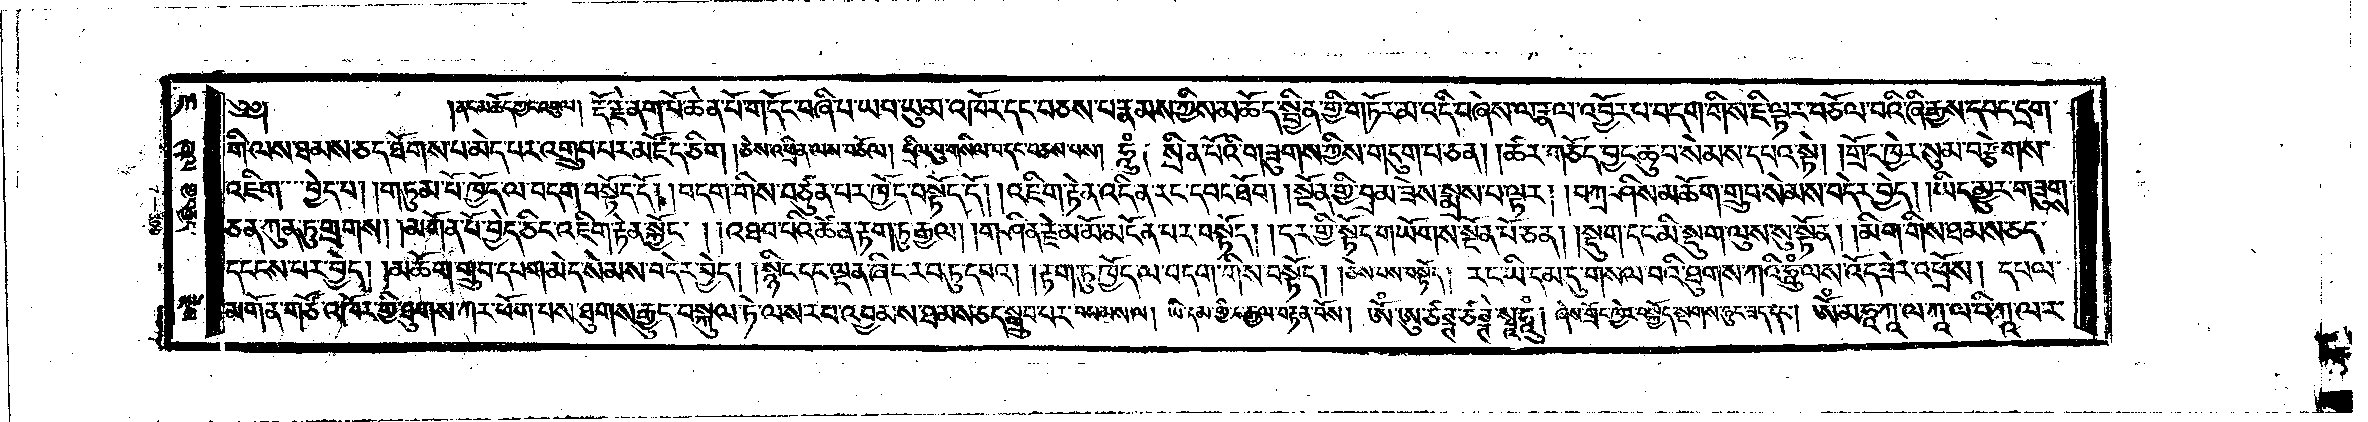༄༅། ། ནང་མཆོད་ཀྱང་འབུལ།  རྡོ་རྗེ་ནག་པོ་ཆེན་པོ་གདོང་བཞི་པ་ཡབ་ཡུམ་འཁོར་དང་བཅས་པ་རྣམས་ཀྱིས་མཆོད་སྦྱིན་གྱི་གཏོར་མ་འདི་བཞེས་ལ་རྣལ་འབྱོར་བ་བདག་གིས་ཇི་ལྟར་བཅོལ་བའི་ཞི་རྒྱས་དབང་དྲག་
གི་ལས་ཐམས་ཅད་ཐོགས་པ་མེད་པར་འགྲུབ་པར་མཛོད་ཅིག་།ཅེས་འཕྲིན་ལས་བཅོལ། དྲིལ་བུ་གསིལ་བ་དང་བཅས་པས།  ཧཱུཾ༑ སྲིན་པོའི་གཟུགས་ཀྱིས་གདུག་པ་ཅན། །ཚར་གཅོད་བྱང་ཆུབ་སེམས་དཔའ་སྟེ། །གྲོང་ཁྱེར་སུམ་བརྩེགས་
འཇིག་བྱེད་པ། །གཏུམ་པོ་ཁྱོད་ལ་བདག་བསྟོད་དོ། །བདག་གིས་བཙུན་པར་ཁྱོད་བསྟོད་དོ། །འཇིག་རྟེན་འདི་ན་རང་དབང་ཐོབ། །སྔོན་གྱི་བྲམ་ཟེས་སྨྲས་བ་ལྟར། །བཀྲ་ཤིས་མཆོག་གྲུབ་སེམས་བདེར་བྱེད། །ཡིད་མྱུར་གཟུགས་
ཅན་ཀུན་ཏུ་གྲགས། །མགོན་པོ་བྱེད་ཅིང་འཇིག་རྟེན་སྐྱོང་། །འཐབ་པའི་ཚེན་རྟག་ཏུ་རྒྱལ། །གཤིན་རྗེ་མ་མོ་མངོན་བར་བསྟོད། །དར་གྱི་སྟོད་གཡོགས་སྔོན་པོ་ཅན། །སྡུག་དང་མི་སྡུག་ལུས་སུ་སྟོན། །མིག་གིས་ཐམས་ཅད་
དངངས་པར་བྱེད། །མཆོག་གྲུབ་དཔག་མེད་སེམས་བདེར་བྱེད། །སྙིང་དང་ལྡན་ཞིང་རབ་ཏུ་དཔའ། །རྟག་ཏུ་ཁྱོད་ལ་བདག་གིས་བསྟོད། །ཅེས་པས་བསྟོད།  རང་ཡི་དམ་དུ་གསལ་བའི་ཐུགས་ཀའི་ཧཱུཾ་ལས་འོད་ཟེར་འཕྲོས། དཔལ་
མགོན་གཙོ་འཁྱོར་གྱི་ཐུགས་ཀར་ཕོག་པས་ཐུགས་རྒྱུད་བསྐུལ་ཏེ་ལས་རབ་འབྱམས་ཐམས་ཅད་སྒྲུབ་པར་བསམས་ལ། ཡི་དམ་གྱི་ང་རྒྱལ་བརྟན་པོས།  ཨོཾ་ཨུ་ཙཊྚ་ཙཊྚེ་སྭཱཧཱུ། ཞེས་གྲོང་ཁྱེར་བསྐྱོད་སྔགས་ཉུང་ཟད་དང་།  ཨོཾ་མཧཱ་ཀཱ་ལ་ཀཱ་ལ་བི་ཀཱ་ལར་